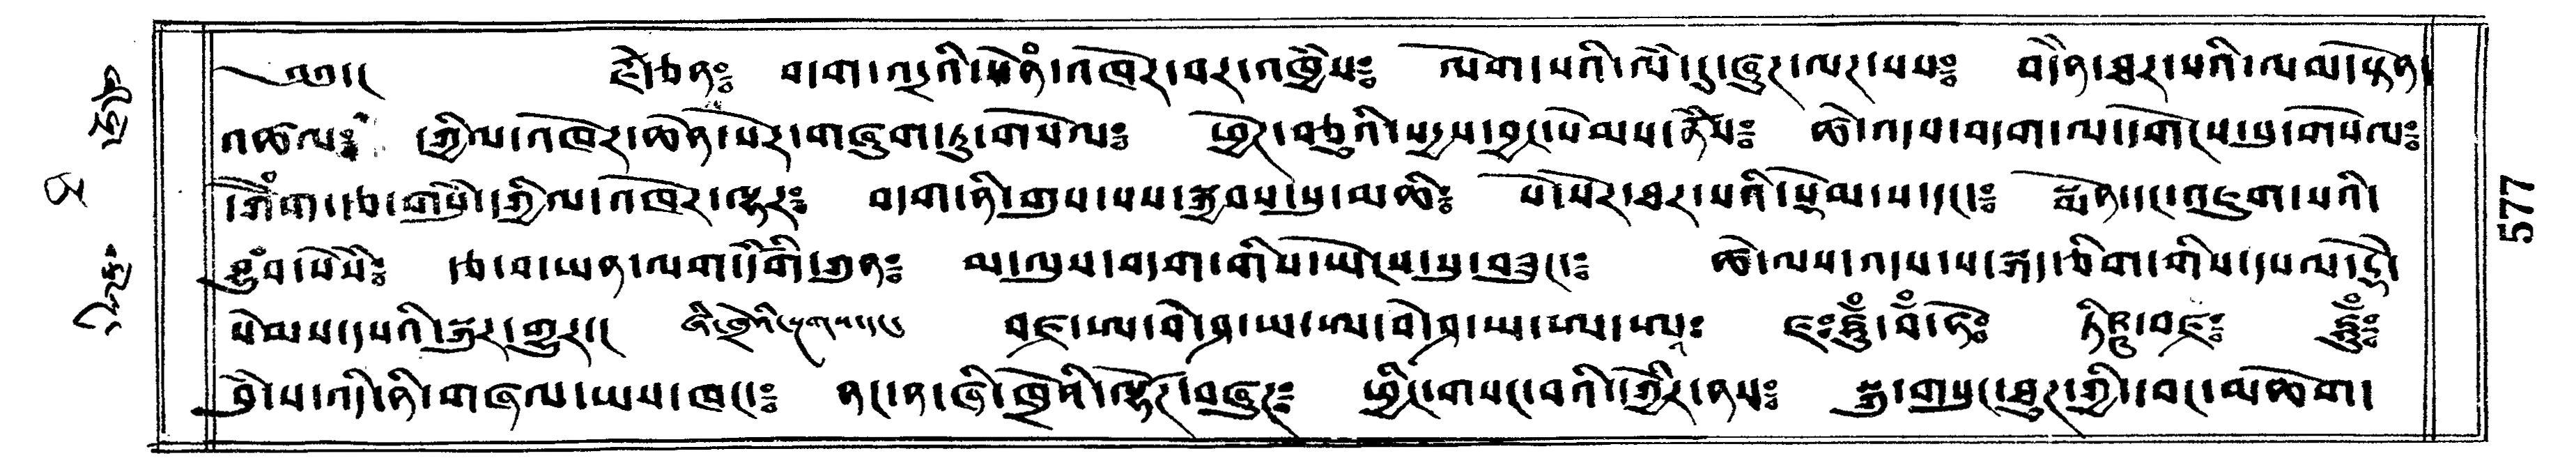རྗེ་ཅན༔ བདག་འདྲའི་སེམས་ཅན་འཁོར་བར་འཁྱམས༔ ལོག་པའི་ལམ་དུ་ཞུགས་ལགས་པས༔ བདེ་ཆེན་ཐར་པའི་ལམ་སྟོན་
འཚལ༔ དཀྱིལ་འཁོར་ཆེན་པོར་གཞུག་ཏུ་གསོལ༔ ཕྱོགས་བཅུའི་སངས་རྒྱས་བྱང་སེམས་རྣམས༔ ཚེ་འདས་བདག་ལ་དགོངས་སུ་གསོལ༔ 
དཀོན་མཆོག་རྩ་གསུམ་དཀྱིལ་འཁོར་ལྷར༔ བདག་ནི་གུས་པས་སྐྱབས་སུ་མཆི༔ སོ་སོར་ཐར་པའི་སྡོམ་པ་དང་༔ སྨོན་དང་འཇུག་པའི་
བྱང་ཆུབ་སེམས༔ རྩ་བ་ཡན་ལག་དམ་ཚིག་ཀུན༔ མ་ལུས་བདག་གིས་ཡོངས་སུ་བཟུང༔ ཚེ་ལས་འདས་པ་སྐད་ཅིག་གིས་དཔལ་རྡོ་རྗེ་
སེམས་དཔའི་སྐུར་གྱུར། ཞི་ཁྲོའི་སྔགས་དང་། བཛྲ་ཨ་བེ་ཤ་ཡ་ཨ་བེ་ཤ་ཡ་ཨ་ཨཱཿ ཛཿཧཱུྃ་བྃ་ཧོཿ ཏིཥྛ་བཛེ༔ ཧཱུྃ༔ 
བུམ་པ་འདི་ནི་གཞལ་ཡས་ཁང༔ ནང་ན་ཞི་ཁྲོའི་ལྷ་ཚོགས་བཞུགས༔ ཕྱི་ནང་གསང་བའི་དཀྱིལ་འཁོར་ནས༔ སྐུ་གསུང་ཐུགས་ཀྱི་དབང་མཆོག་